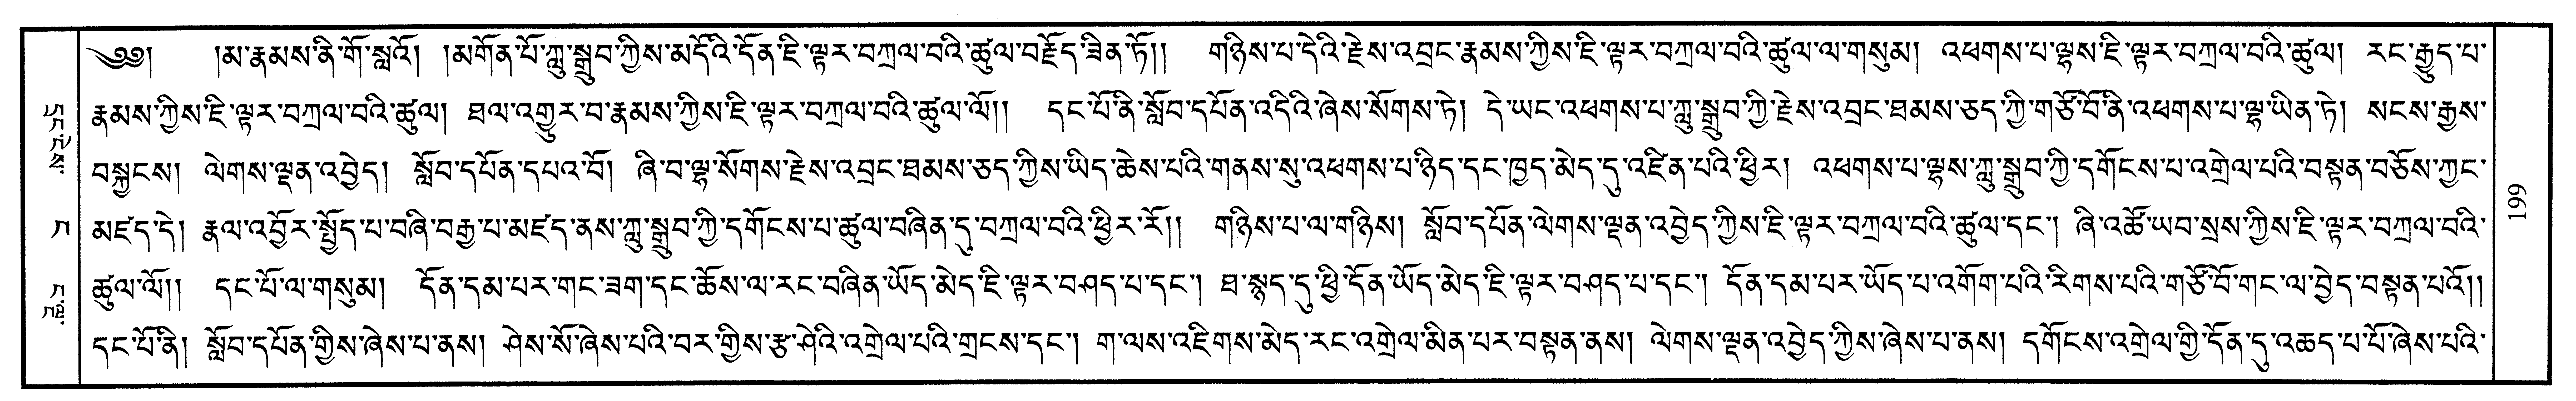༄༅། །མ་རྣམས་ནི་གོ་སླའོ། །མགོན་པོ་ཀླུ་སྒྲུབ་ཀྱིས་མདོའི་དོན་ཇི་ལྟར་བཀྲལ་བའི་ཚུལ་བརྗོད་ཟིན་ཏོ།། གཉིས་པ་དེའི་རྗེས་འབྲང་རྣམས་ཀྱིས་ཇི་ལྟར་བཀྲལ་བའི་ཚུལ་ལ་གསུམ། འཕགས་པ་ལྷས་ཇི་ལྟར་བཀྲལ་བའི་ཚུལ། རང་རྒྱུད་པ་
རྣམས་ཀྱིས་ཇི་ལྟར་བཀྲལ་བའི་ཚུལ། ཐལ་འགྱུར་བ་རྣམས་ཀྱིས་ཇི་ལྟར་བཀྲལ་བའི་ཚུལ་ལོ།། དང་པོ་ནི་སློབ་དཔོན་འདིའི་ཞེས་སོགས་ཏེ། དེ་ཡང་འཕགས་པ་ཀླུ་སྒྲུབ་ཀྱི་རྗེས་འབྲང་ཐམས་ཅད་ཀྱི་གཙོ་བོ་ནི་འཕགས་པ་ལྷ་ཡིན་ཏེ། སངས་རྒྱས་
བསྐྱངས། ལེགས་ལྡན་འབྱེད། སློབ་དཔོན་དཔའ་བོ། ཞི་བ་ལྷ་སོགས་རྗེས་འབྲང་ཐམས་ཅད་ཀྱིས་ཡིད་ཆེས་པའི་གནས་སུ་འཕགས་པ་ཉིད་དང་ཁྱད་མེད་དུ་འཛིན་པའི་ཕྱིར། འཕགས་པ་ལྷས་ཀླུ་སྒྲུབ་ཀྱི་དགོངས་པ་འགྲེལ་པའི་བསྟན་བཅོས་ཀྱང་
མཛད་དེ། རྣལ་འབྱོར་སྤྱོད་པ་བཞི་བརྒྱ་པ་མཛད་ནས་ཀླུ་སྒྲུབ་ཀྱི་དགོངས་པ་ཚུལ་བཞིན་དུ་བཀྲལ་བའི་ཕྱིར་རོ།། གཉིས་པ་ལ་གཉིས། སློབ་དཔོན་ལེགས་ལྡན་འབྱེད་ཀྱིས་ཇི་ལྟར་བཀྲལ་བའི་ཚུལ་དང་། ཞི་འཚོ་ཡབ་སྲས་ཀྱིས་ཇི་ལྟར་བཀྲལ་བའི་
ཚུལ་ལོ།། དང་པོ་ལ་གསུམ། དོན་དམ་པར་གང་ཟག་དང་ཆོས་ལ་རང་བཞིན་ཡོད་མེད་ཇི་ལྟར་བཤད་པ་དང་། ཐ་སྙད་དུ་ཕྱི་དོན་ཡོད་མེད་ཇི་ལྟར་བཤད་པ་དང་། དོན་དམ་པར་ཡོད་པ་འགོག་པའི་རིགས་པའི་གཙོ་བོ་གང་ལ་བྱེད་བསྟན་པའོ།།
དང་པོ་ནི། སློབ་དཔོན་གྱིས་ཞེས་པ་ནས། ཤེས་སོ་ཞེས་པའི་བར་གྱིས་རྩ་ཤེའི་འགྲེལ་པའི་གྲངས་དང་། ག་ལས་འཇིགས་མེད་རང་འགྲེལ་མིན་པར་བསྟན་ནས། ལེགས་ལྡན་འབྱེད་ཀྱིས་ཞེས་པ་ནས། དགོངས་འགྲེལ་གྱི་དོན་དུ་འཆད་པ་པོ་ཞེས་པའི་